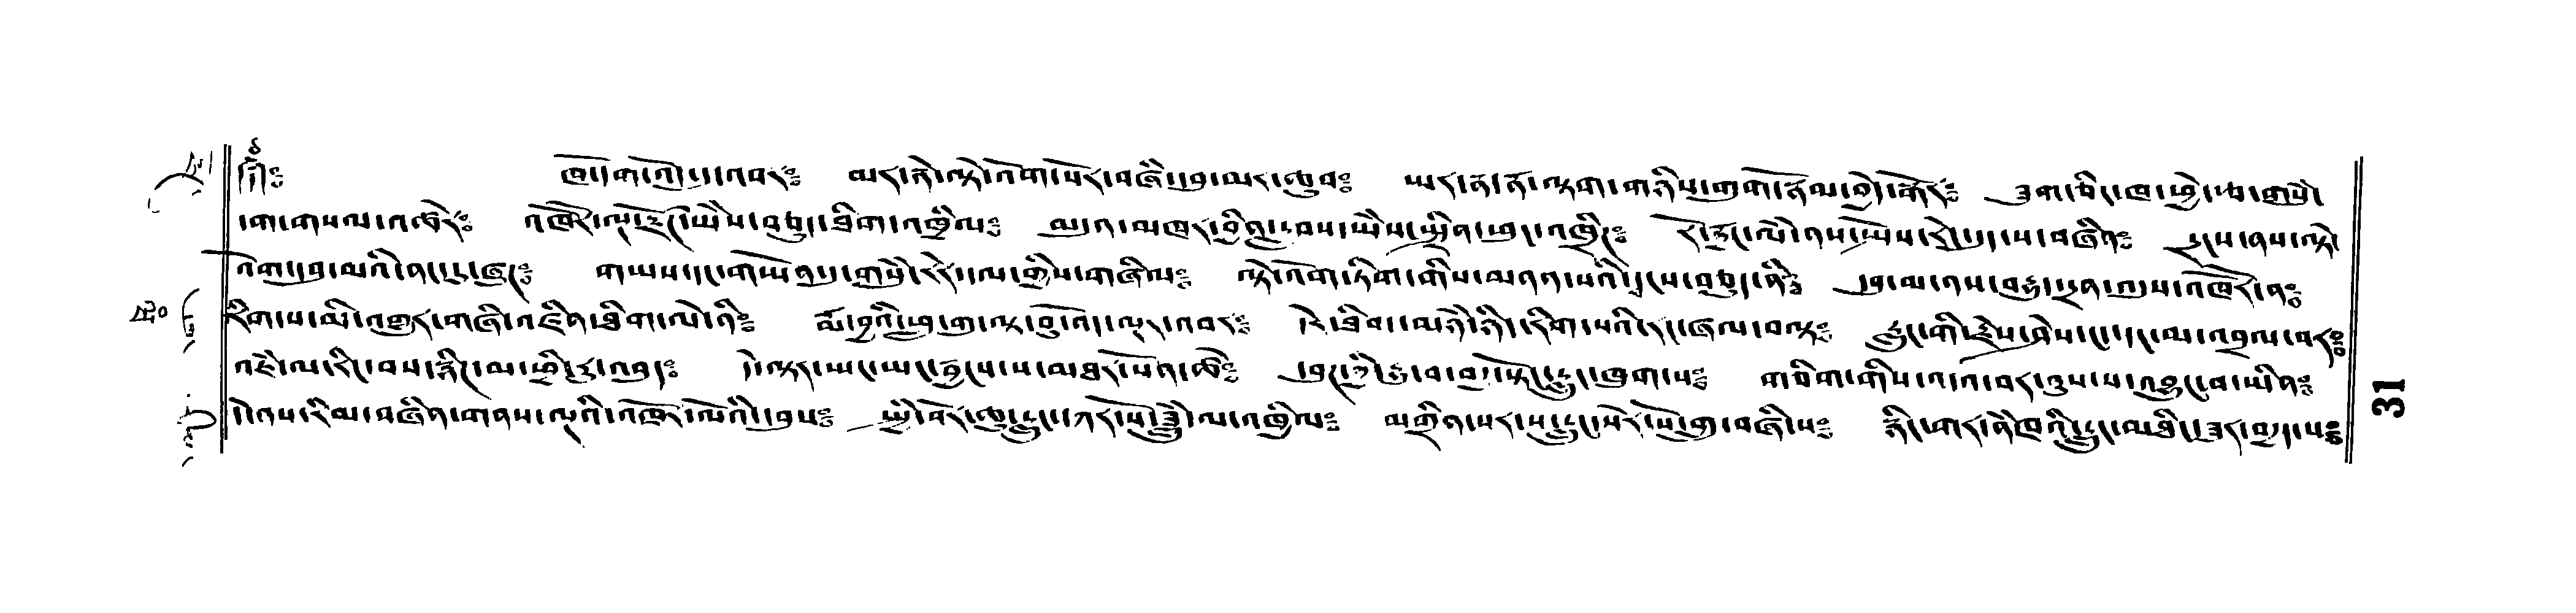ཁ་དོག་འོད་དུ་འབར༔ མར་སྣེ་ལྟེ་འོག་སོར་བཞི་དབུ་མར་ཆུབ༔ ཡར་སྣེ་རྣ་ལྟག་གཉིས་གུག་སྣོམ་བྱེད་སྒོར༔ ཟུག་ཅིང་ཁ་ཕྱེ་རྩ་གསུམ་
དག་གསལ་འཚེར༔ འཁོར་ལོ་ལྔ་རྫོགས་ཡེ་ཤེས་བཅུད་ཐིག་འཁྱིལ༔ མདུན་མཁར་བྱིན་རླབས་ཡེ་ཤེས་སྤྲིན་ཕུང་འཁྲིགས༔ རོ་རྐྱང་ལམ་ནས་སྤོས་རེང་དུད་པ་བཞིན༔ དྲངས་ནས་ལྟེ་
འོག་དབུ་མའི་ནང་དུ་ཞུགས༔ གཡས་དང་གཡོན་དུ་གསུམ་རེར་དལ་གྱིས་གཞིལ༔ ལྟེ་འོག་ཏིག་གིས་མནན་པའི་དྭངས་བཅུད་ནི༔ དབུ་མ་ནས་བརྒྱུད་དྲན་འདུས་འཁོར་ལོ་ན༔ 
རིག་པ་མི་འགྱུར་གཞི་འཛིན་ཐིག་ལེ་ནི༔ རྨ་བྱའི་ཕྲུ་གུ་ལྟ་བུ་འོད་ལྔར་འབར༔ དེར་ཐིག་མཉམ་ཉིད་རིག་པའི་རང་ཞལ་བལྟ༔ རླུང་གི་རྗེས་ཤེས་ངད་དང་མ་འབྲལ་བར༔
འཇམ་ལ་རིང་བས་སྙིགས་མ་ཕྱི་རུ་འབུད༔ དེ་ལྟར་ཡང་ཡང་སྦྱངས་པ་མཐར་སོན་ཚེ༔ དབུགས་ཀྱི་རྒྱུ་བ་བརྒྱ་སྟོང་རླུང་ཁུག་པ༔ གཅིག་གིས་འདའ་བར་ནུས་པ་འབྱུང་བ་ཡིན༔ 
དེ་ནས་རིམ་བཞིན་གནས་ལྔའི་འཁོར་ལོའི་དབུས༔ སྤྱི་བོར་ཆུ་རླུང་དཀར་པོ་ཟླུམ་ལ་འཁྱིལ༔ མགྲིན་པར་ས་རླུང་སེར་པོ་གྲུ་བཞི་པ༔ སྙིང་གར་ནམ་མཁའི་རླུང་མཐིང་ཟུར་བརྒྱད་པ༔